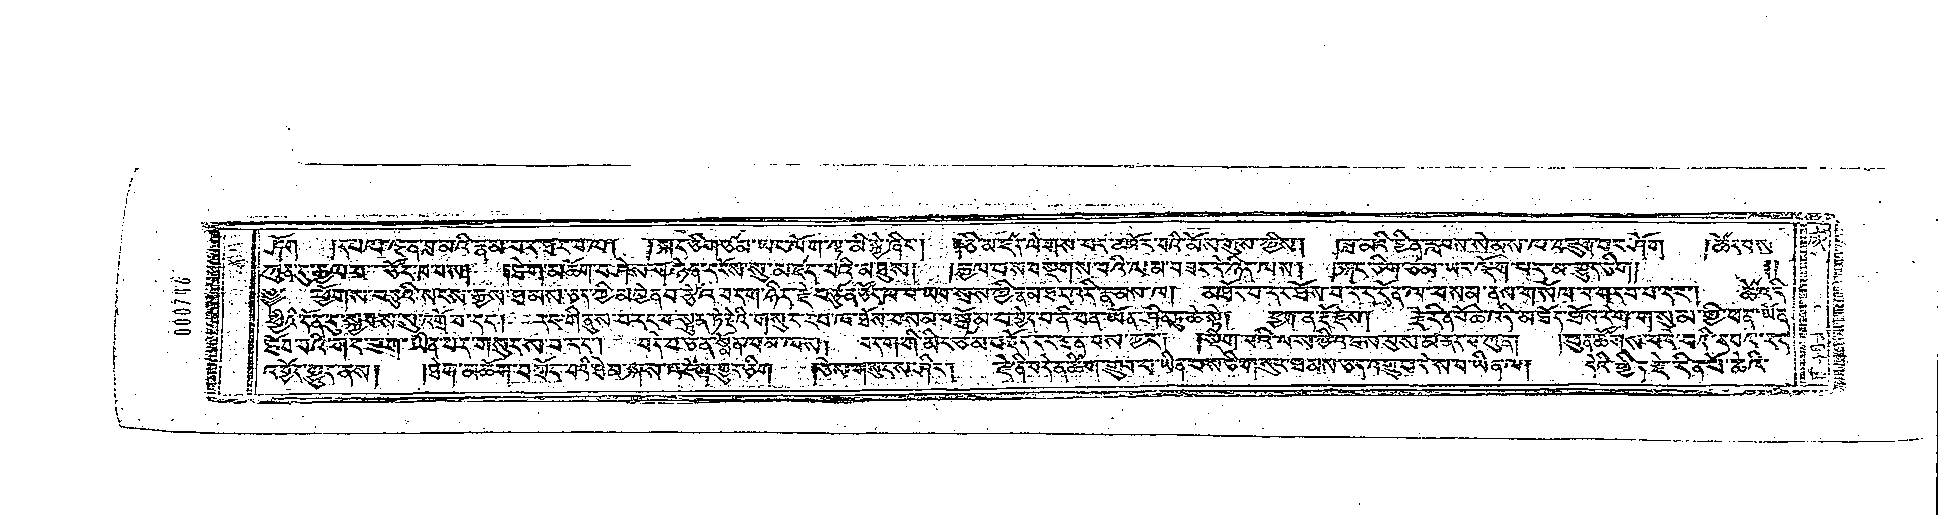ཤོག །དཔལ་ལྡན་བླ་མའི་རྣམ་པར་ཐར་པ་ལ། །སྐད་ཅིག་ཙམ་ཡང་ལོག་ལྟ་མི་སྐྱེ་ཞིང་། །ཅི་མཛད་ལེགས་པད་མཐོང་བའི་མོས་གུས་ཀྱིས། །བླ་མའི་བྱིན་རླབས་སེམས་ལ་འཇུག་བར་ཤོག །ཚེ་རབས་
ཀུན་དུ་རྒྱལ་བ་ཙོང་ཁ་པས། །ཐེག་མཆོག་བཤེས་གཉེན་དངོས་སུ་མཛད་པའི་མཐུས། །རྒྱལ་བས་བསྔགས་པའི་ལམ་བཟང་དེ་ཉིད་ལས། །སྐད་ཅིག་ཙམ་ཡང་ལྡོག་པར་མ་གྱུར་ཅིག། །།
༈ ཕྱོགས་བཅུའི་སངས་རྒྱས་ཐམས་ཅད་ཀྱི་མཁྱེན་བརྩེའི་བདག་ཉིད་རྗེ་བཙུན་ཙོང་ཁ་པ་ཡབ་སྲས་ཀྱི་རྣམ་ཐར་འདི་རྣམས་ལ། མཐོང་བ་དང་ཐོས་པ་དང་དོན་ལ་བསམ་ནས་གསོལ་བ་གདབ་པ་དང་། ཚེ་འདི་
ཕྱིའི་དོན་དུ་སྐྱབས་སུ་འགྲོ་བ་དང་། རང་གི་ནུས་པ་དང་བསྟུན་ཏེ་རྗེའི་གསུང་རབ་ལ་ཐོས་བསམ་བསྒོམ་པ་བྱེད་པ་ནི་ཕན་ཡོན་ཤིན་ཏུ་ཆེ་སྟེ། ཕྱག་ན་རྡོ་རྗེས། རྗེ་རིན་པོ་ཆེ་འདི་མཐོང་ཐོས་རེག་གསུམ་གྱི་ཕན་ཡོན་
ཐོབ་པའི་གང་ཟག་ཡིན་པར་གསུངས་པ་དང་། བདེ་བ་ཅན་སྨོན་ལམ་ལས། བདག་གི་མིང་ཙམ་བརྗོད་དང་དྲན་པས་ཀྱང་། །སྡིག་པའི་ལས་ཀྱི་འབྲས་བུས་མནར་བ་ཀུན། །ཕུན་ཚོགས་བདེ་བའི་དཔལ་རབ་
འབྱོར་གྱུད་ནས། །ཐེག་མཆོག་བགྲོད་པའི་ཐེམ་སྐས་འཛེག་གྱུར་ཅིག །ཅེས་གསུངས་ཤིང་། རྗེ་ནི་བདེན་ཚིག་གྲུབ་པ་ཡིན་པས་ཅི་གསུང་ཐམས་ཅད་འགྲུབ་ངེས་པ་ཡིན་ལ། དེའི་ཕྱིད་རྗེ་རིན་པོ་ཆེའི་